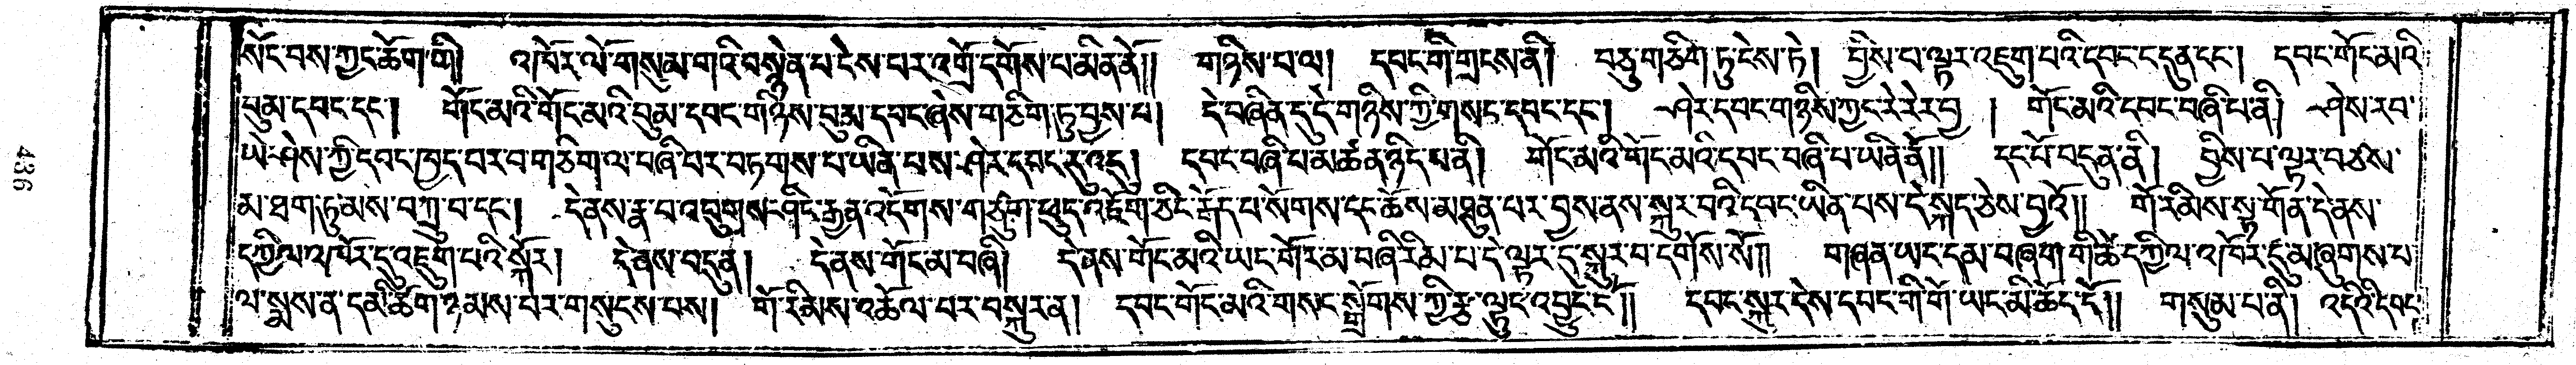སོང་བས་ཀྱང་ཆོག་གི། འཁོར་ལོ་གསུམ་གའི་བསྙེན་པ་ངེས་པར་འགྲོ་དགོས་པ་མིན་ནོ།། གཉིས་པ་ལ། དབང་གི་གྲངས་ནི། བཅུ་གཅིག་ཏུ་ངེས་ཏེ། བྱིས་པ་ལྟར་འཇུག་པའི་དབང་བདུན་དང་། དབང་གོང་མའི་
བུམ་དབང་དང་། གོང་མའི་གོང་མའི་བུམ་དབང་གཉིས་བུམ་དབང་ཞེས་གཅིག་ཏུ་བྱས་པ། དེ་བཞིན་དུ་དེ་གཉིས་ཀྱི་གསང་དབང་དང་། ཤེར་དབང་གཉིས་ཀྱང་རེ་རེར་བྱ་།གོང་མའི་དབང་བཞི་པ་ནི། ཤེས་རབ་
ཡེ་ཤེས་ཀྱི་དབང་ཁྱད་པར་བ་གཅིག་ལ་བཞི་པར་བཏགས་པ་ཡིན་པས་ཤེར་དབང་དུ་འདུ། དབང་བཞི་པ་མཚན་ཉིད་པ་ནི། གོང་མའི་གོང་མའི་དབང་བཞི་པ་ཡིན་ནོ།། དང་པོ་བདུན་ནི། བྱིས་པ་ལྟར་བཙས་
མ་ཐག་ཏུ་མས་བཀྲུ་བ་དང་། དེ་ནས་རྣ་བ་འབུགས་ཤིང་རྒྱན་འདོགས་གཙུག་ཕུད་འཇོག་ཅིང་རྒོད་པ་སོགས་དང་ཆོས་མཐུན་པར་བྱས་ནས་སྐུར་བའི་དབང་ཡིན་པས་དེ་སྐད་ཅེས་བྱའོ།། གོ་རིམས་སྟ་གོན་དེ་ནས་
དཀྱིལ་འཁོར་དུ་འཇུག་པའི་སྐོར། དེ་ནས་བདུན། དེ་ནས་གོང་མ་བཞི། དེ་ནས་གོང་མའི་ཡང་གོར་མ་བཞི་རིམ་པ་དེ་ལྟར་དུ་སྐུར་བ་དགོས་སོ།། གཞན་ཡང་དམ་བཞག་གི་ཚེ་དཀྱིལ་འཁོར་དུ་མ་ཞུགས་པ་
ལ་སྨས་ན་དམ་ཚིག་ཉམས་པར་གསུངས་པས། གོ་རིམས་འཆོལ་བར་བསྐུར་ན། དབང་གོང་མའི་གསང་སྒྲོགས་ཀྱི་རྩ་ལྟུང་འབྱུང་ངོ།། དབང་སྐུར་དེས་དབང་གི་གོ་ཡང་མི་ཆོད་དོ།། གསུམ་པ་ནི། འདིའི་དབང་